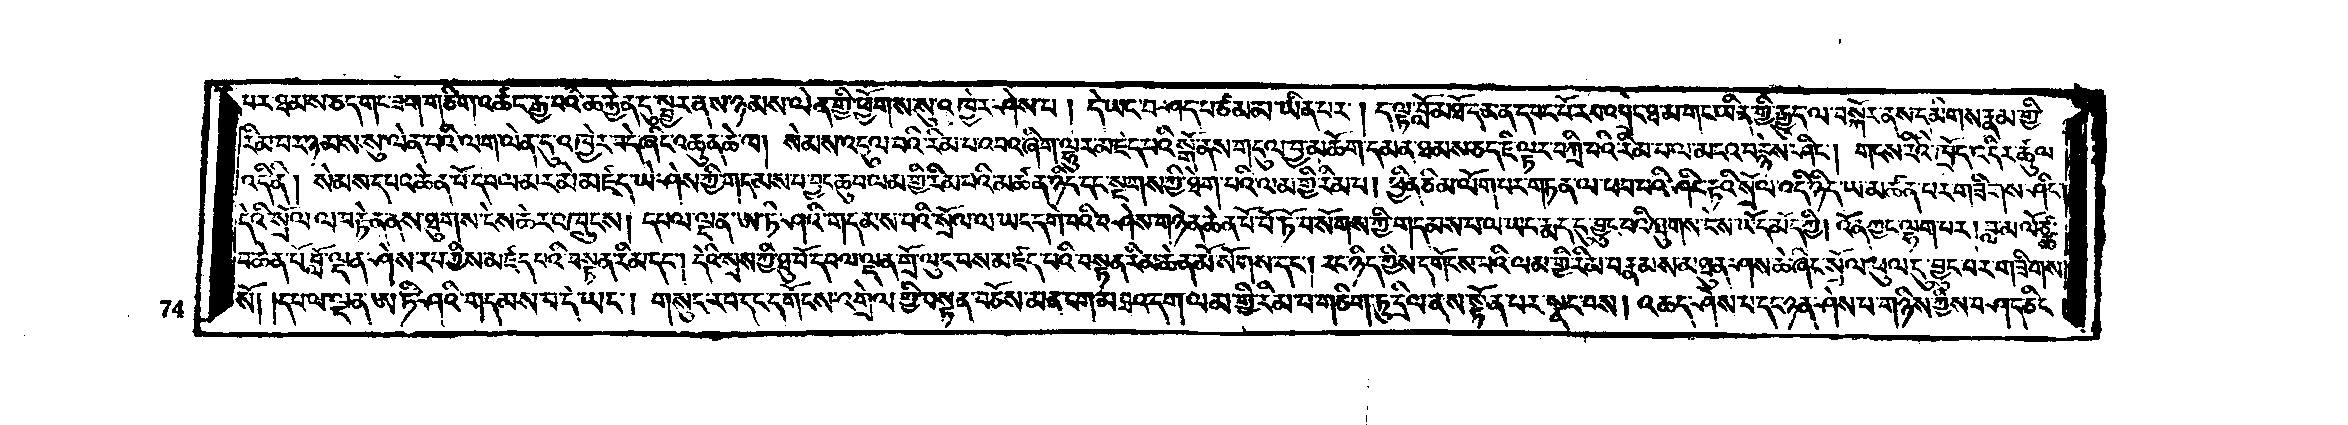པར་ཐམས་ཅད་གང་ཟག་གཅིག་འཚང་རྒྱ་བའི་ཆ་རྐྱེན་དུ་སྦྱར་ནས་ཉམས་ལེན་གྱི་ཕྱོགས་སུ་འཁྱེར་ཤེས་པ། དེ་ཡང་བཤད་པ་ཙམ་མ་ཡིན་པར། ད་ལྟ་བློ་མཐོ་དམན་དབང་པོ་རབ་འབྲེང་ཐ་མ་གང་ཡིན་གྱི་རྒྱུད་ལ་བསྐོར་ནས་དམིགས་རྣམ་གྱི་
རིམ་པར་ཉམས་སུ་ལེན་པའི་ལག་ལེན་དུ་འཁྱེར་བདེ་ཞིང་འཆུན་ཆེ་ལ། སེམས་འདུལ་བའི་རིམ་པ་འབའ་ཞིག་ལྷུར་མཛད་པའི་སྒོ་ནས་གདུལ་བྱ་མཆོག་དམན་ཐམས་ཅད་ཇི་ལྟར་བཀྲི་པའི་རིམ་པ་ལ་མངའ་བརྙེས་ཤིང་། གངས་རིའི་ཁྲོད་འདིར་ཚུལ་
འདི་ནི། སེམས་དཔའ་ཆེན་པོ་དཔལ་མར་མེ་མཛད་ཡེ་ཤེས་ཀྱི་གདམས་པ་བྱང་ཆུབ་ལམ་གྱི་རིམ་པའི་མཚན་ཉིད་དང་སྔགས་ཀྱི་ཐེག་པའི་ལམ་གྱི་རིམ་པ། ཕྱིན་ཅི་མ་ལོག་པར་གཏན་ལ་ཕབ་པའི་ཤིང་རྟའི་སྲོལ་འདི་ཉིད་ཡ་མཚན་པར་གཟིགས་ཤིང་
དེའི་སྲོལ་ལ་བརྟེན་ནས་ཐུགས་ངེས་ཆེར་འཁྲུངས། དཔལ་ལྡན་ཨ་ཏི་ཤའི་གདམས་པའི་སྲོལ་ལ་ཡང་དགེ་བའི་བཤེས་གཉེན་ཆེན་པོ་པོ་ཏོ་བསོགས་ཀྱི་གདམས་པ་ལ་ཡང་རྨད་དུ་བྱུང་བའི་ཐུགས་ངེས་ཡོད་མོད་ཀྱི། འོན་ཀྱང་ལྷག་པར། བླ་མ་ལོཙྪ་
བ་ཆེན་པོ་བློ་ལྡན་ཤེས་རབ་ཀྱིས་མཛད་པའི་བསྟན་རིམ་དང་། དེའི་སྲས་ཀྱི་ཐུ་བོ་དཔལ་ལྡན་གྲོ་ལུང་པས་མཛད་པའི་བསྟན་རིམ་ཆེན་མོ་སོགས་དང་། རང་ཉིད་ཀྱིས་དགོངས་པའི་ལམ་གྱི་རིམ་པ་རྣམས་མཐུན་ཤས་ཆེ་ཞིང་སྲོལ་ཕུལ་དུ་བྱུང་བར་གཟིགས་
སོ། །དཔལ་ལྡན་ཨ་ཏི་ཤའི་གདམས་པ་དེ་ཡང་། གསུང་རབ་དང་དགོངས་འགྲེལ་གྱི་བསྟན་བཅོས་མན་ངག་མཐའ་དག་ལམ་གྱི་རིམ་པ་གཅིག་ཏུ་དྲིལ་ནས་སྟོན་པར་སྣང་བས། འཆད་ཤེས་པ་དང་ཉན་ཤེས་པ་གཉིས་ཀྱིས་བཤད་ཅིང་